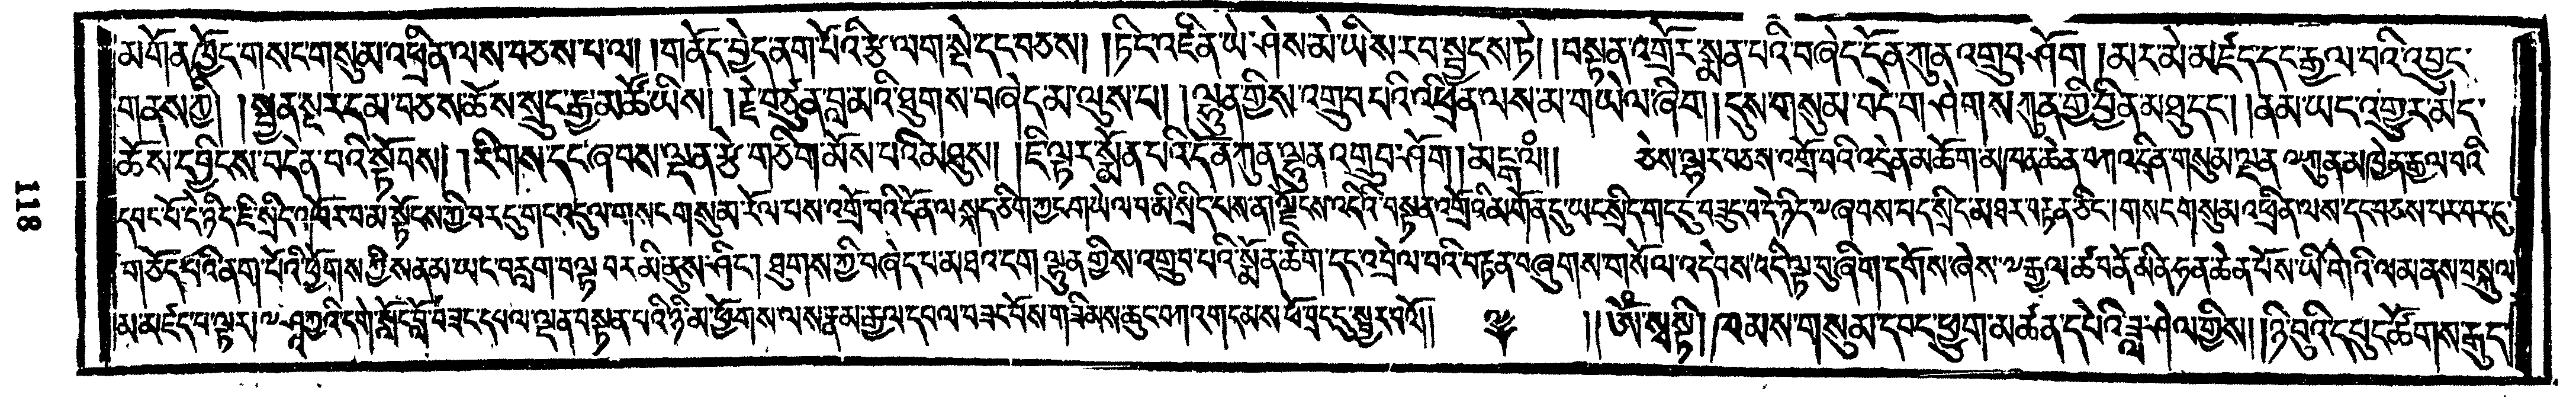མགོན་ཁྱོད་གསང་གསུམ་འཕྲིན་ལས་བཅས་པ་ལ། །གནོད་བྱེད་ནག་པོའི་རྩ་ལག་སྡེ་དང་བཅས། །ཏིང་འཛིན་ཡེ་ཤེས་མེ་ཡིས་རབ་སྦྱངས་ཏེ། །བསྟན་འགྲོར་སྨན་པའི་བཞེད་དོན་ཀུན་འགྲུབ་ཤོག །མར་མེ་མཛད་དང་རྒྱལ་བའི་འབྱུང་
གནས་ཀྱི། །སྦྱན་སྔར་དམ་བཅས་ཆོས་སྲུང་རྒྱ་མཚོ་ཡིས། །རྗེ་བཙུན་བླ་མའི་ཐུགས་བཞེད་མ་ལུས་པ། །ལྷུན་གྱིས་འགྲུབ་པའི་འཕྲིན་ལས་མ་གཡེལ་ཞིག །དུས་གསུམ་བདེ་གཤེགས་ཀུན་གྱི་བྱིན་མཐུ་དང་། །ནམ་ཡང་འགྱུར་མེད་
ཆོས་དབྱིངས་བདེན་པའི་སྟོབས། །རིགས་དང་ཞབས་ལྡན་རྩེ་གཅིག་མོས་པའི་མཐུས། །ཇི་ལྟར་སྨོན་པའི་དོན་ཀུན་ལྷུན་འགྲུབ་ཤོག །མནྔ་ལཾ།། ཅེས་ལྷར་བཅས་འགྲོ་བའི་འདྲེན་མཆོག་མཁན་ཆེན་བཀའ་དྲིན་གསུམ་ལྡན་༧་ཀུན་མཁྱེན་རྒྱལ་བའི་
དབང་པོ་དེ་ཉིད་ཇི་སྲིད་འཁོར་བ་མ་སྟོངས་ཀྱི་བར་དུ་གང་འདུལ་གསང་གསུམ་རོལ་པས་འགྲོ་བའི་དོན་ལ་སྐད་ཅིག་ཀྱང་གཡེལ་བ་མི་སྲིད་པས་ན། ལྗོངས་འདིའི་བསྟན་འགྲོའི་མགོན་དུ་ཡང་སྲིད་གང་དུ་བཟུང་བ་དེ་ཉིད་༧་ཞབས་པད་སྲིང་མཐར་བརྟན་ཅིང་། གསང་གསུམ་འཕྲིན་ལས་དང་བཅས་པར་བ་རུང་
གཅོད་པའི་ནག་པོའི་ཕྱོགས་ཀྱིས་ནམ་ཡང་བརླག་བལྟ་བར་མི་ནུས་ཤིང་། ཐུགས་ཀྱི་བཞེད་པ་མཐའ་དག་ལྷུན་གྱིས་འགྲུབ་པའི་སྨོན་ཚིག་དང་འབྲེལ་བའི་བརྟན་བཞུགས་གསོལ་འདེབས་འདི་ལྟ་བུ་ཞིག་དགོས་ཞེས་༧་རྒྱལ་ཚབ་ནོ་མིན་ཧན་ཆེན་པོས་ཡི་གེའི་ལམ་ནས་བསྐུལ་
མ་མཛད་པ་ལྟར། ༧་ཤཱཀྱའི་དགེ་སློང་བློ་བཟང་དཔལ་ལྡན་བསྟན་པའི་ཉི་མ་ཕྱོགས་ལས་རྣམ་རྒྱལ་དཔལ་བཟང་པོས་གཟིམས་ཆུང་བཀའ་གདམས་ཕོ་བྲང་དུ་སྦྱར་བའོ།། ༈ །།ཨོཾ་སྭ་སྟི། ཁམས་གསུམ་དབང་ཕྱུག་མཚན་དཔེའི་ཟླ་ཤེལ་གྱིས། །ཉི་བུའི་དཔུང་ཚོགས་རྒུད་